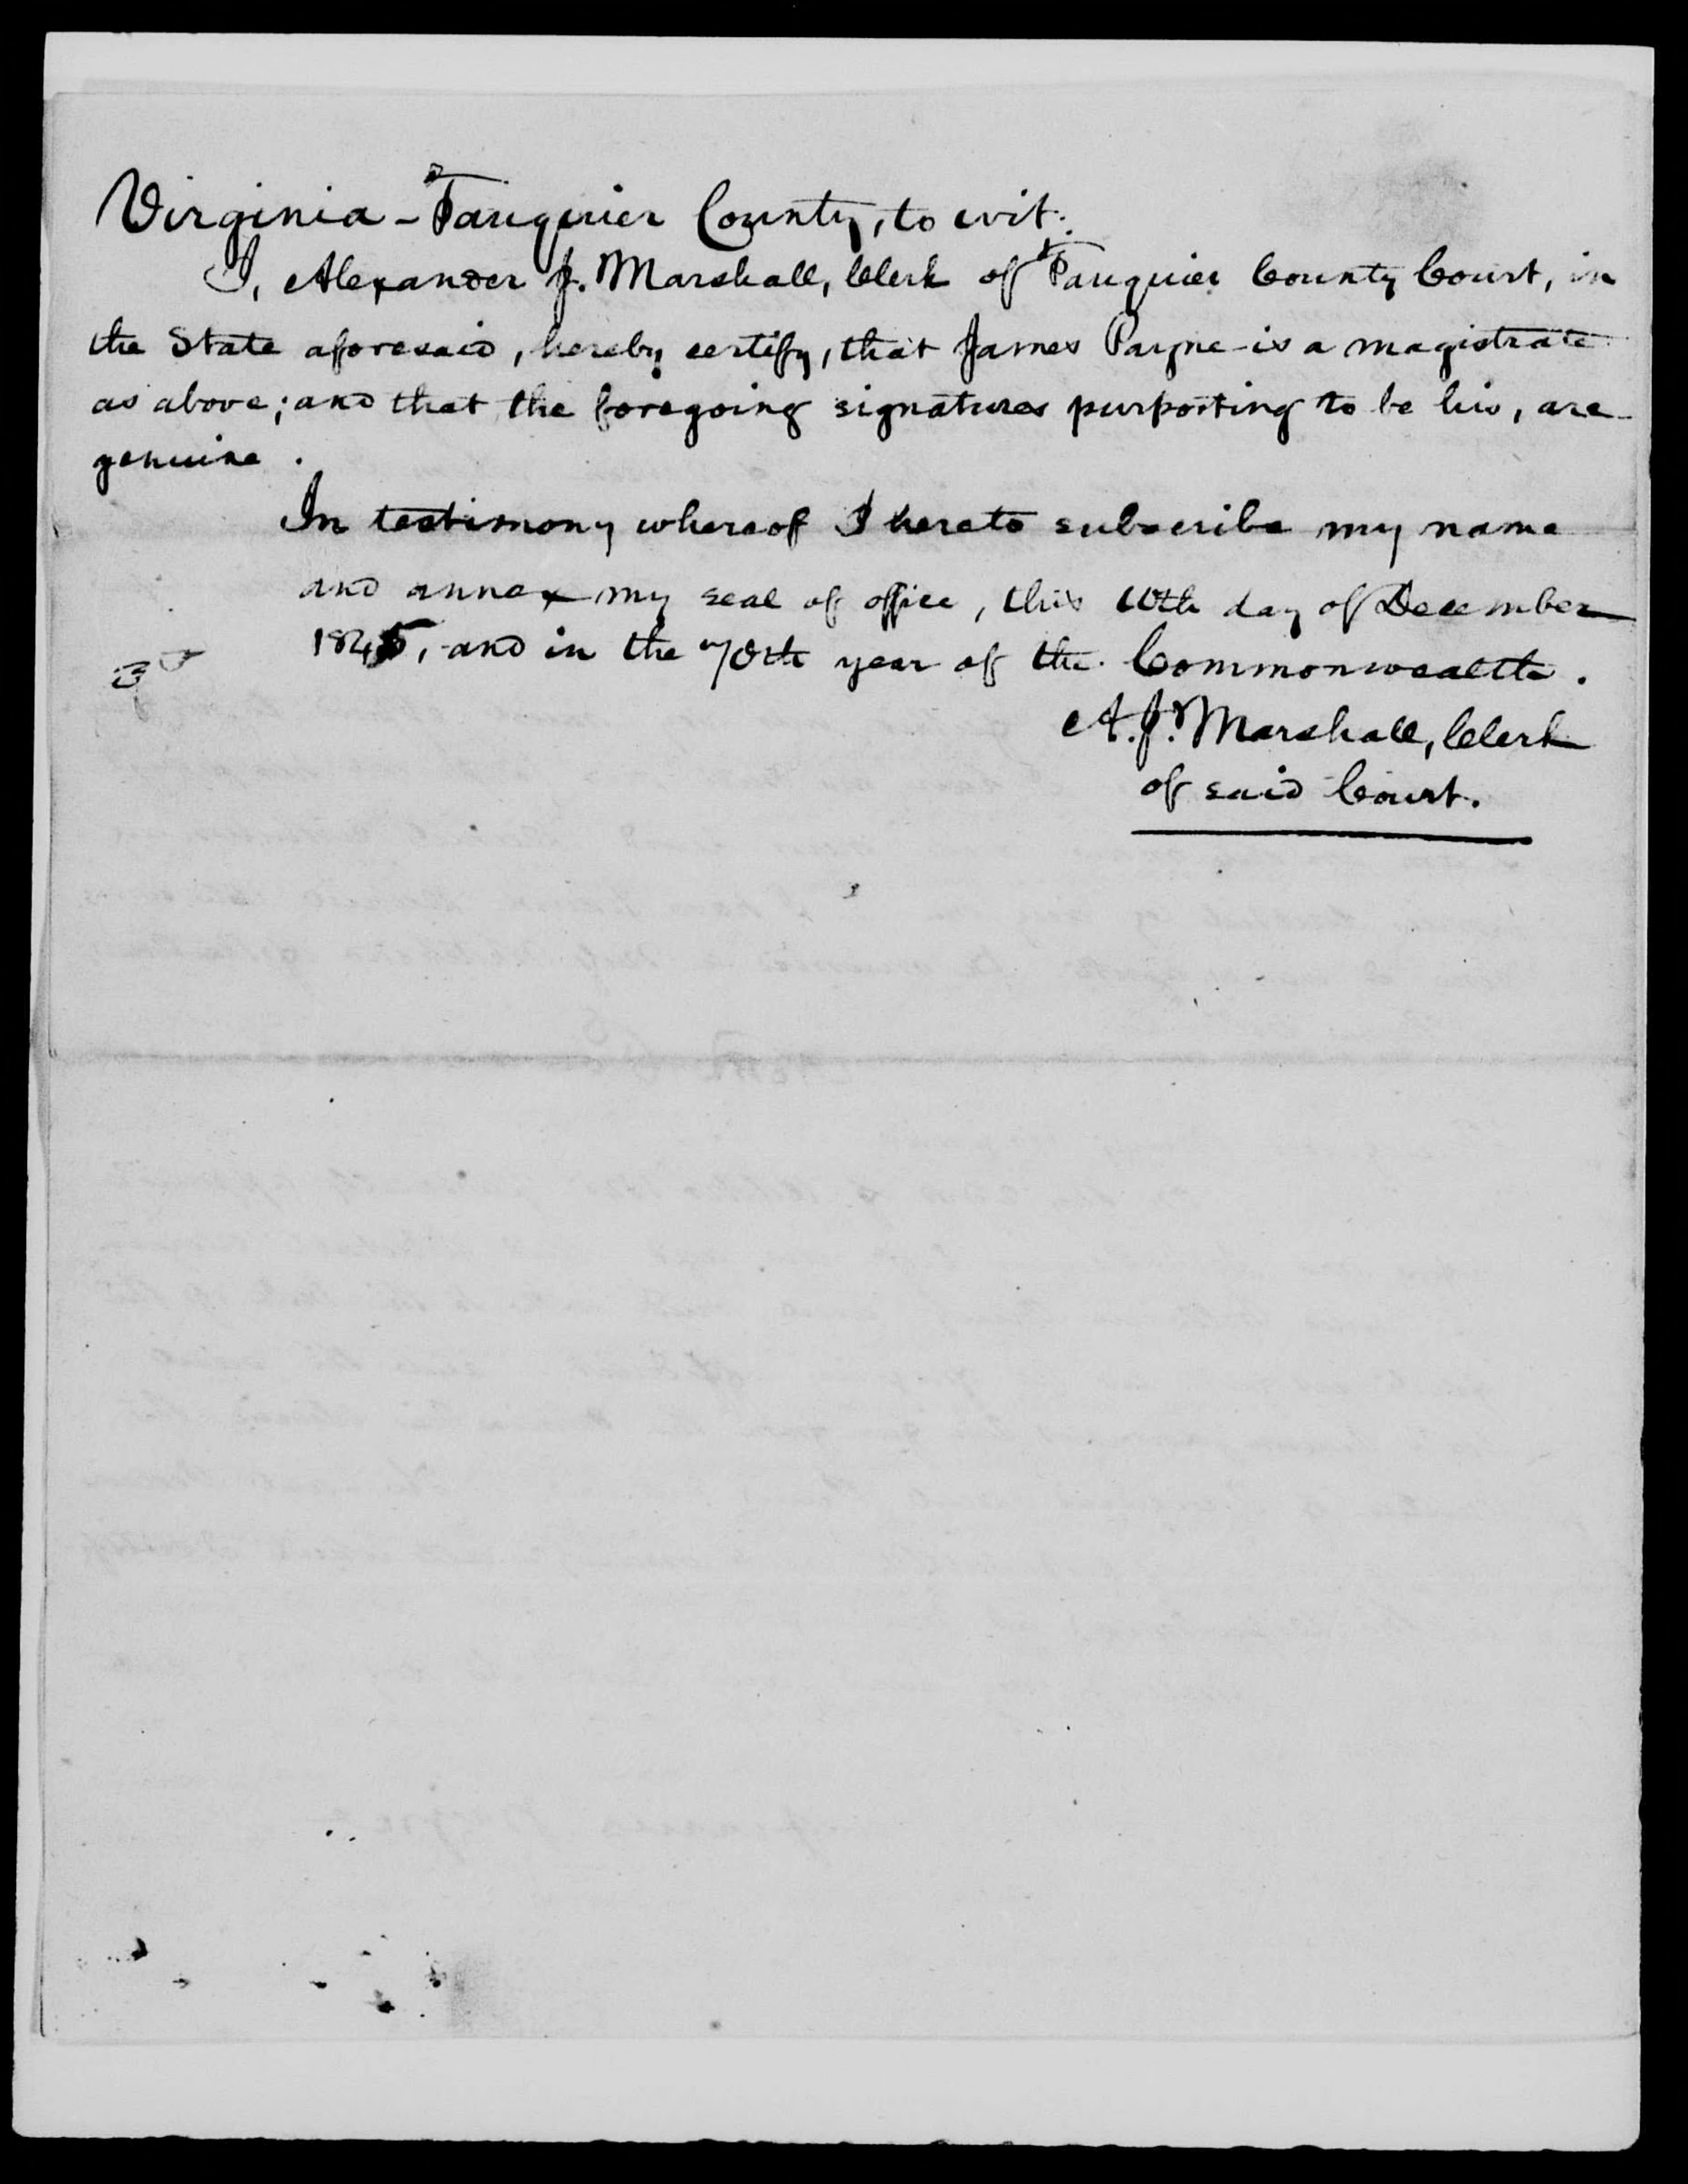Virginia-Fauquier County, to wit:

I, Alexander J Marshall, clerk of Fauquier County Court, in the state aforesaid, hereby certify, that James Payne is a magistrate as above; and that the foregoing signatures purporting to be his, are genuine.

In testimony whereof I hereto subscribe my name and annex my seal of office, this 10th day of December 1845, and in the 70th year of the Commonweath.

A.J. Marshall, Clerk
of said Court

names: A J Marshall, James Payne, Alexander J Marshall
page: 52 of 61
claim: survivor's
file: S. 8236, Daniel Cole, Va.